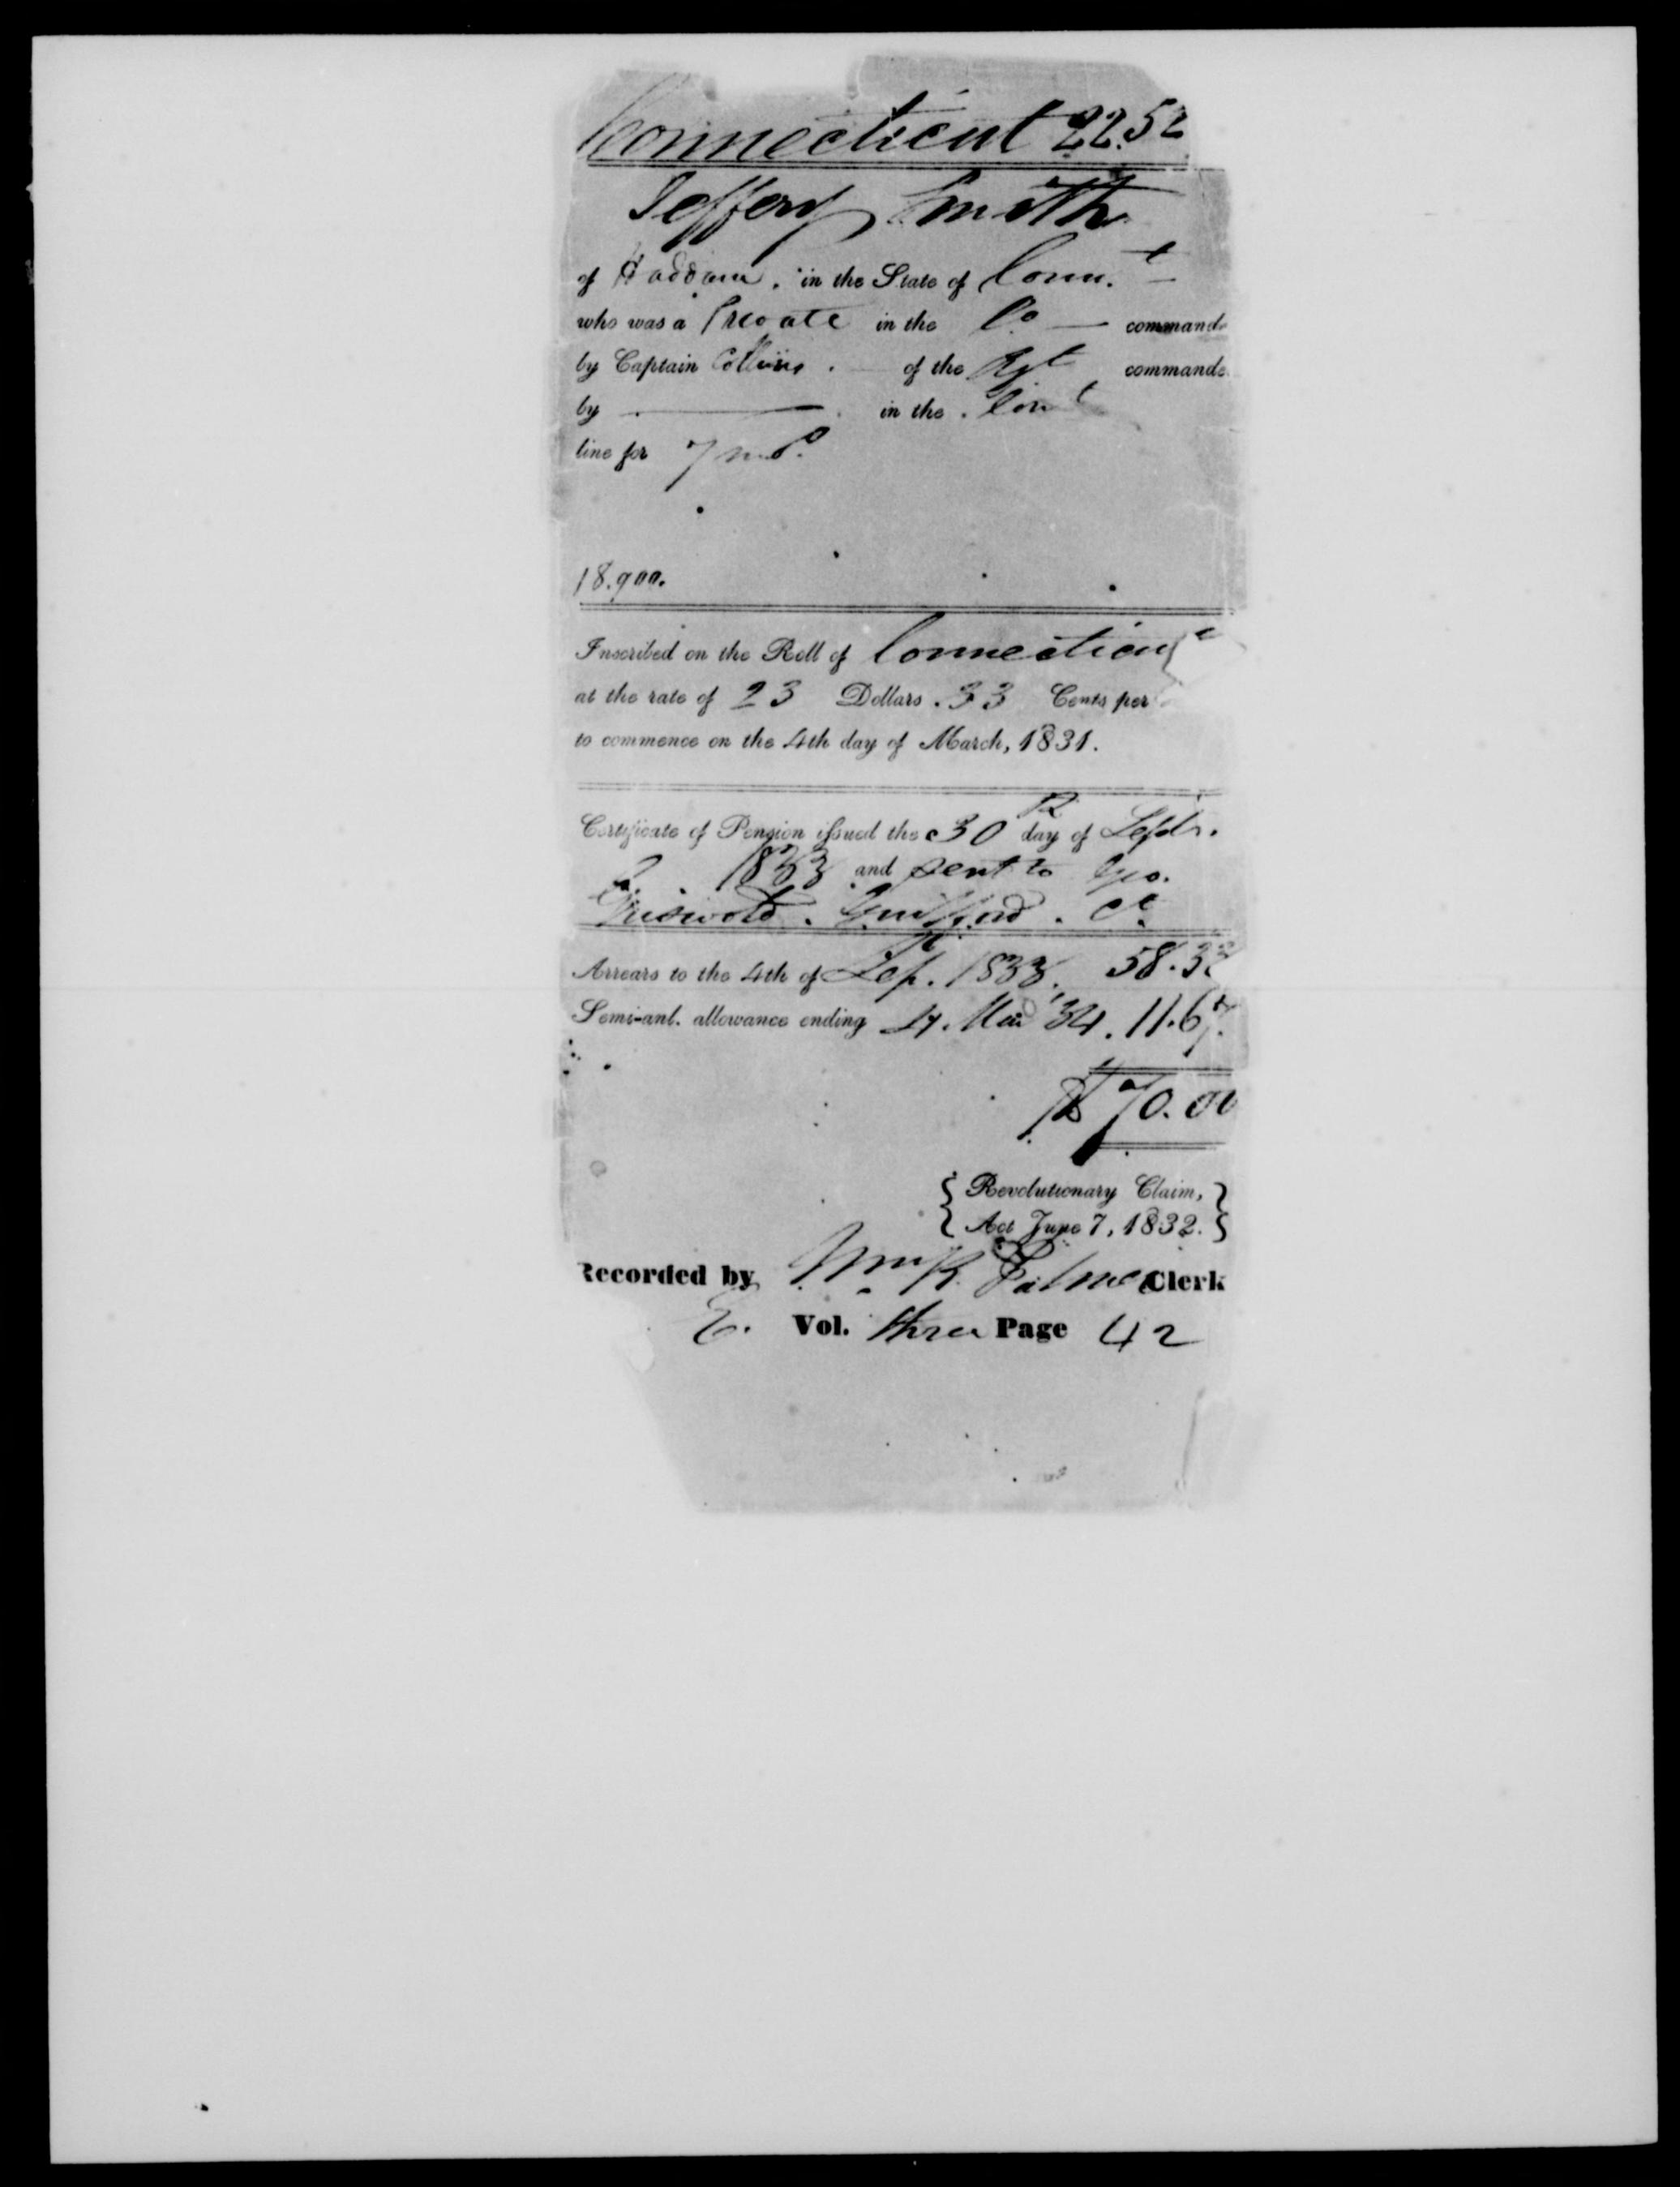Connecticut 2252
Jeffery Smith
of Haddam, in the State of Connt. [Connecticut]
was a Private in the Co. command[ed?]
by Captain Collins, [blank] of the Rgt. commande[d?]
by [blank], in the County
line for 7 ms. [months?]

18.900.
[line]
Inscribed on the Roll of Connecticut
at the rate of 23 Dollars 33 Cents per
to commence on the 4th day of March, 1831.
[line]
Certificate of Pension issued the 30 day of [unclear]Fedr[/unclear]
1833 and sent to Geo
Griswold [illegible] 
[line]
Arrears to the 4th of Sep. 1833. 58.33
Semi-anl. allowance ending 4 Mar 34, 11.67
$70.00

Revolutionary Claim,
Act June 7, 1832.

Recorded by Mr. K. Palmer Clerk
E. Vol. three page 42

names: Wm R Palmer; Geo Griswold; [BLANK] Collins; Jeffery Smith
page: 2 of 19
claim: survivor's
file: S. 16250, for Jeffery Smith, Connecticut